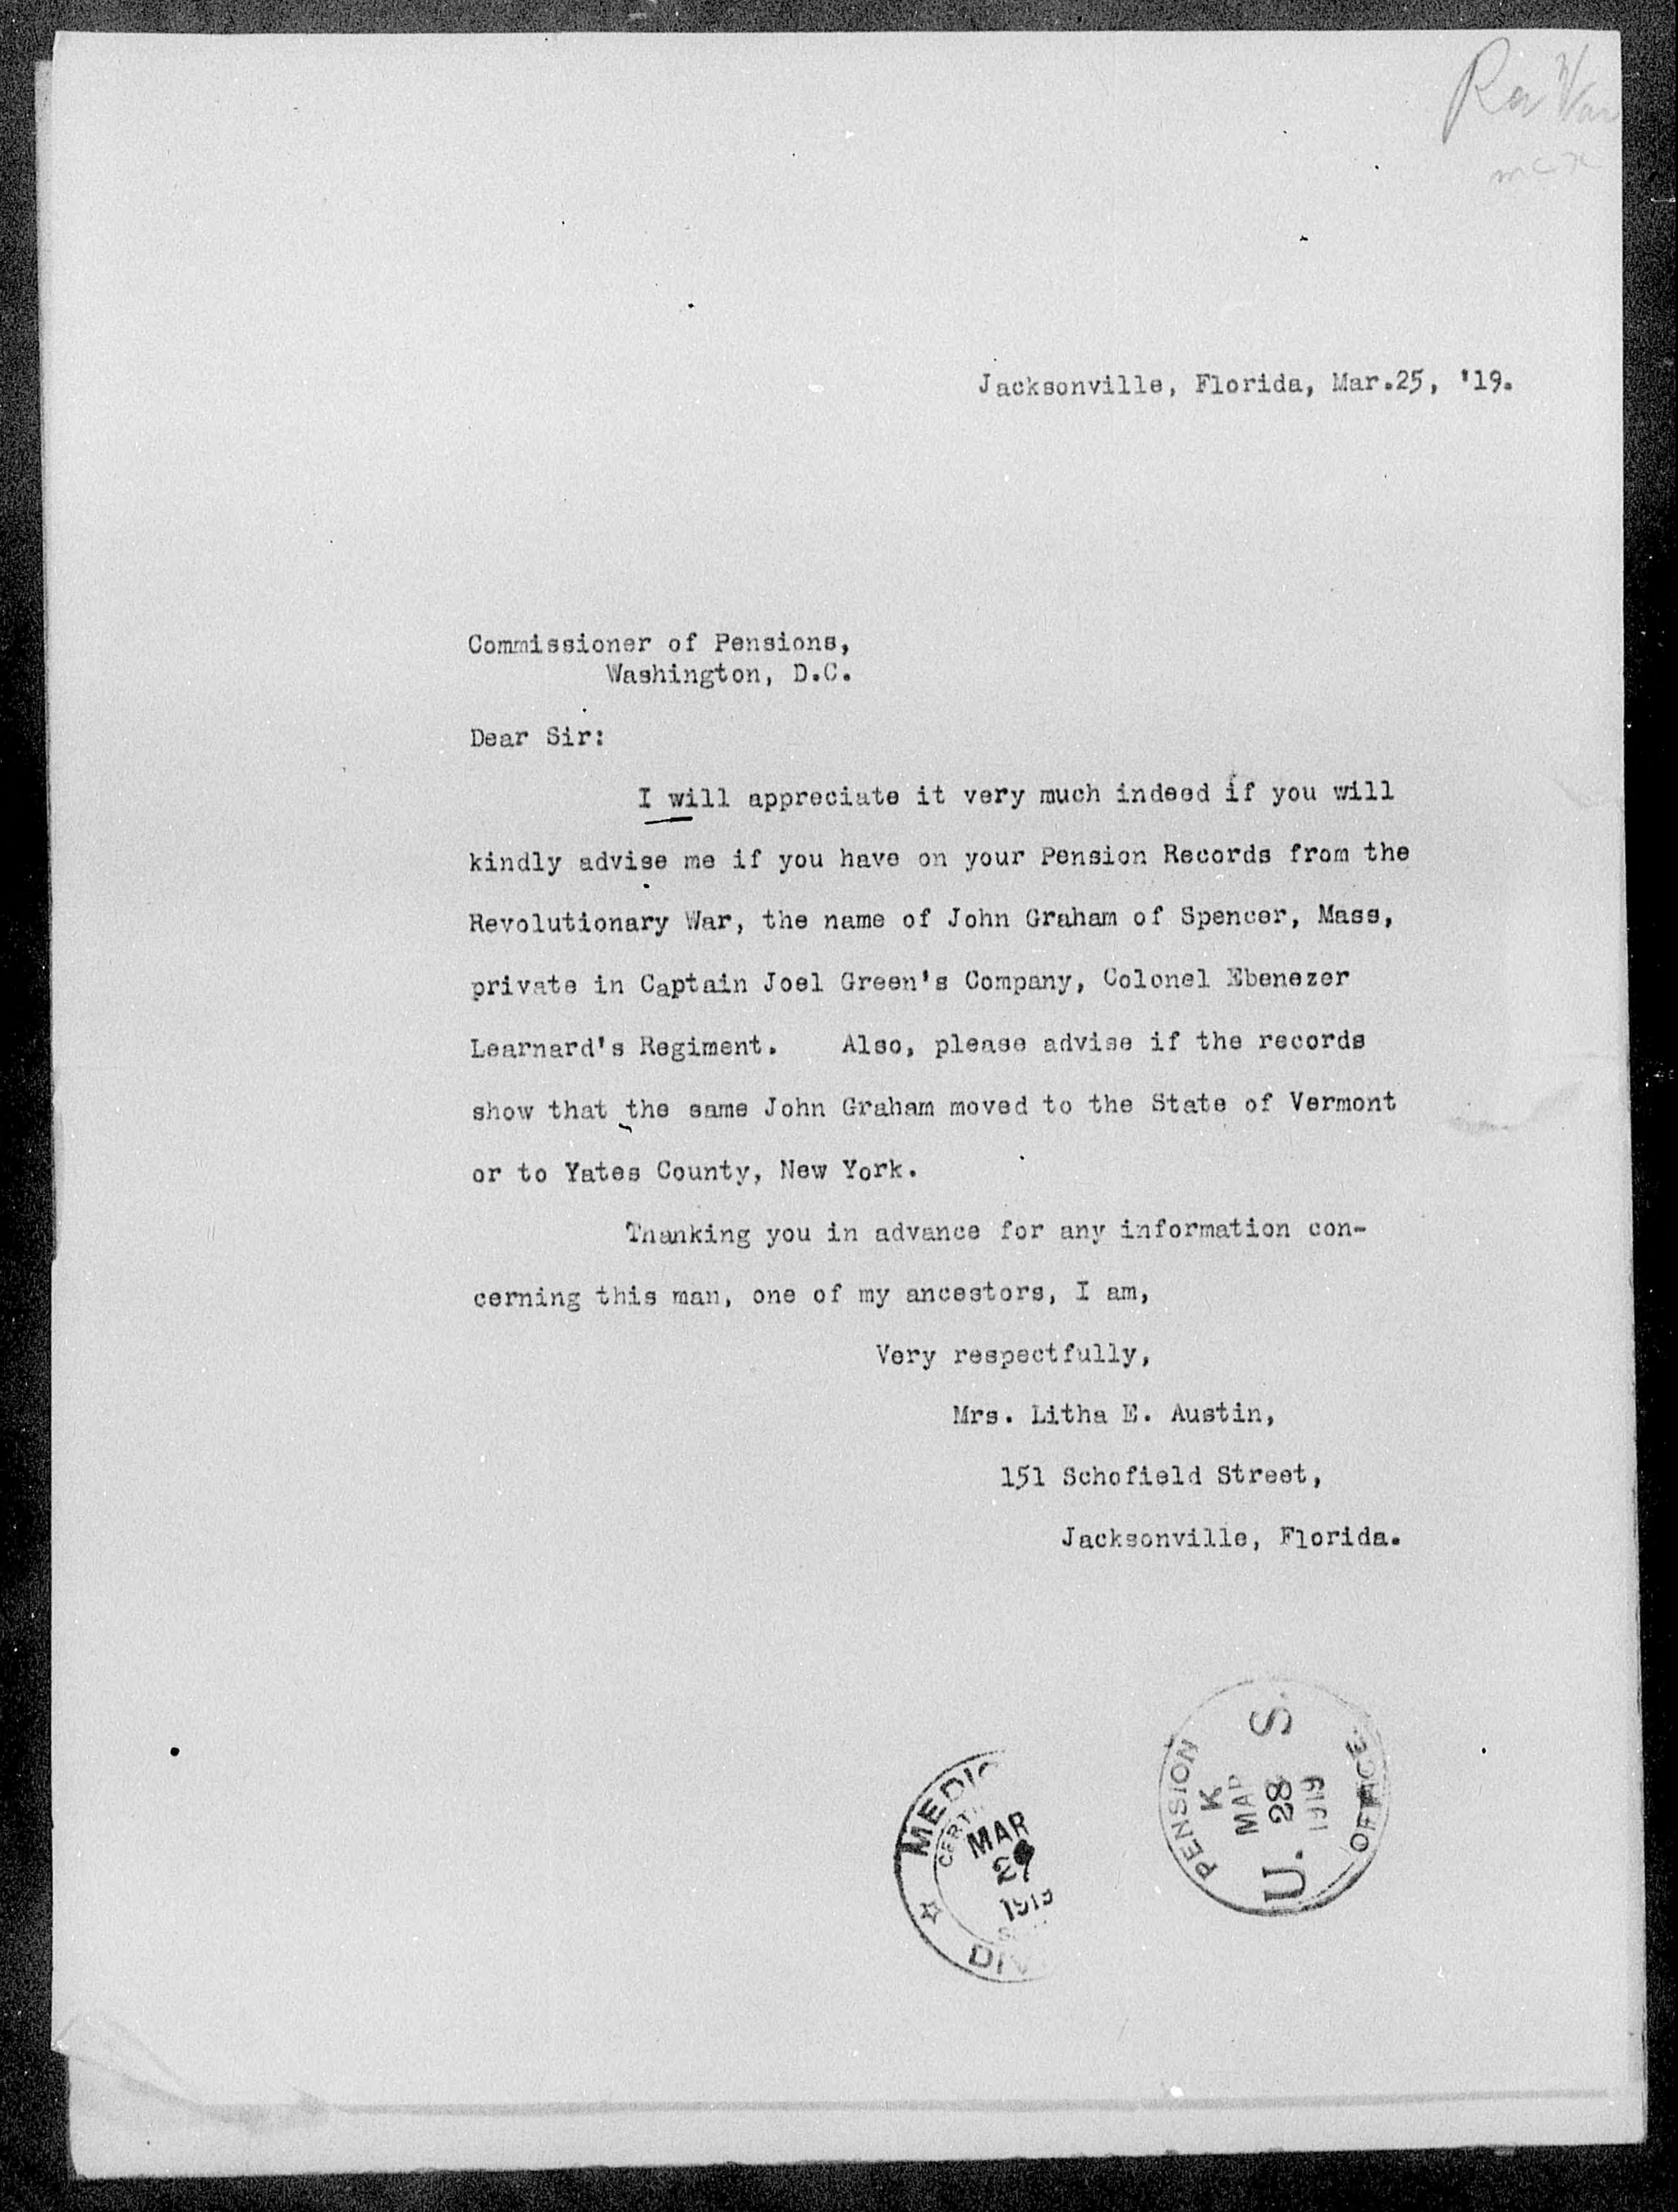Jacksonville, Florida, Mar. 25, '19.
Commissioner of Pensions,
Washington, D.C.
Dear Sir:
I will appreciate it very much indeed if you will kindly advise me if you have on your Pension Records from the Revolutionary War, the name of John Graham of Spencer, Mass, private in Captain Joel Green's Company, Colonel Ebenezer Learnard's Regiment. Also, please advise if the records show that the same John Graham moved to the State of Vermont or to Yates County, New York.
Thanking you in advance for any information concerning this man, one of my ancestors, I am,
Very respectfully,
Mrs. Litha E. Austin. 
151 Schofield Street,
Jacksonville, Florida.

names: John Graham, John Graham, Litha E Austin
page: 26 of 28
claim: survivor's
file: S. 22799, John Graham, Mass